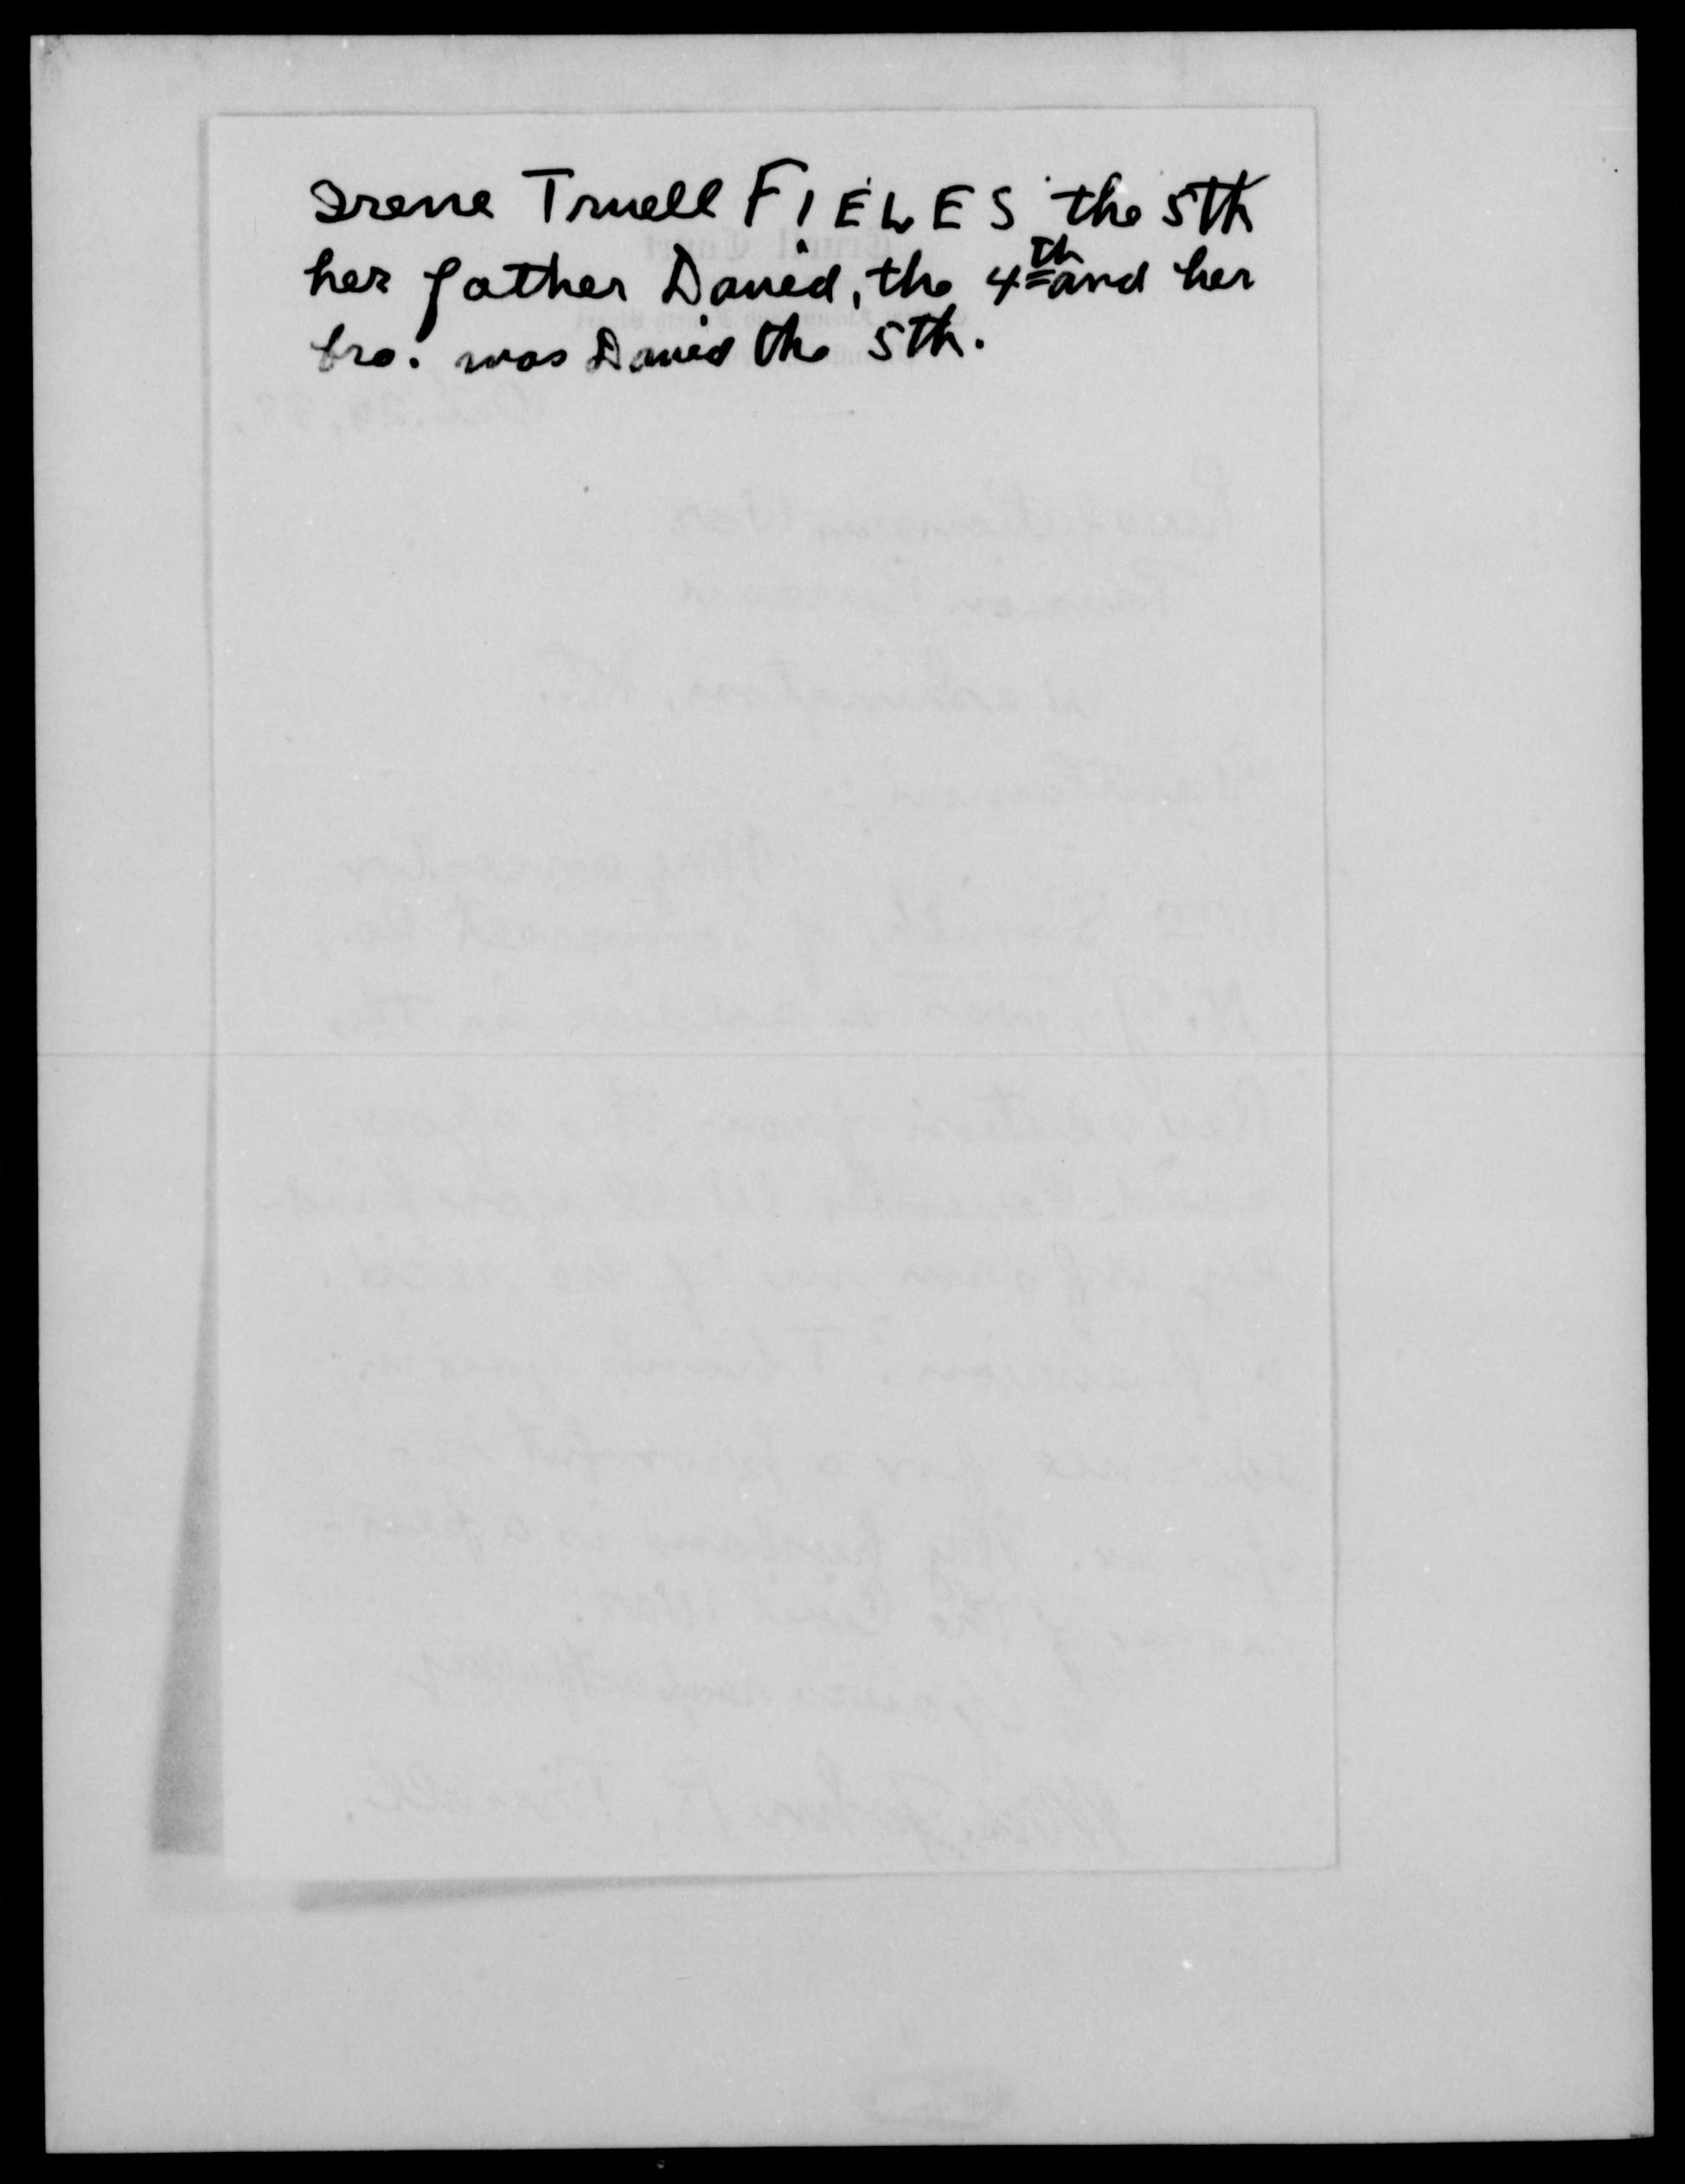Irene Truell FIELES the 5th
her father David, the 4th and her
bro. was Davis the 5th.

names: Irene Truell; David [BLANK]; David [BLANK]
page: 20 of 27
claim: survivor's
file: S. 915, for William Smith, New Jersey